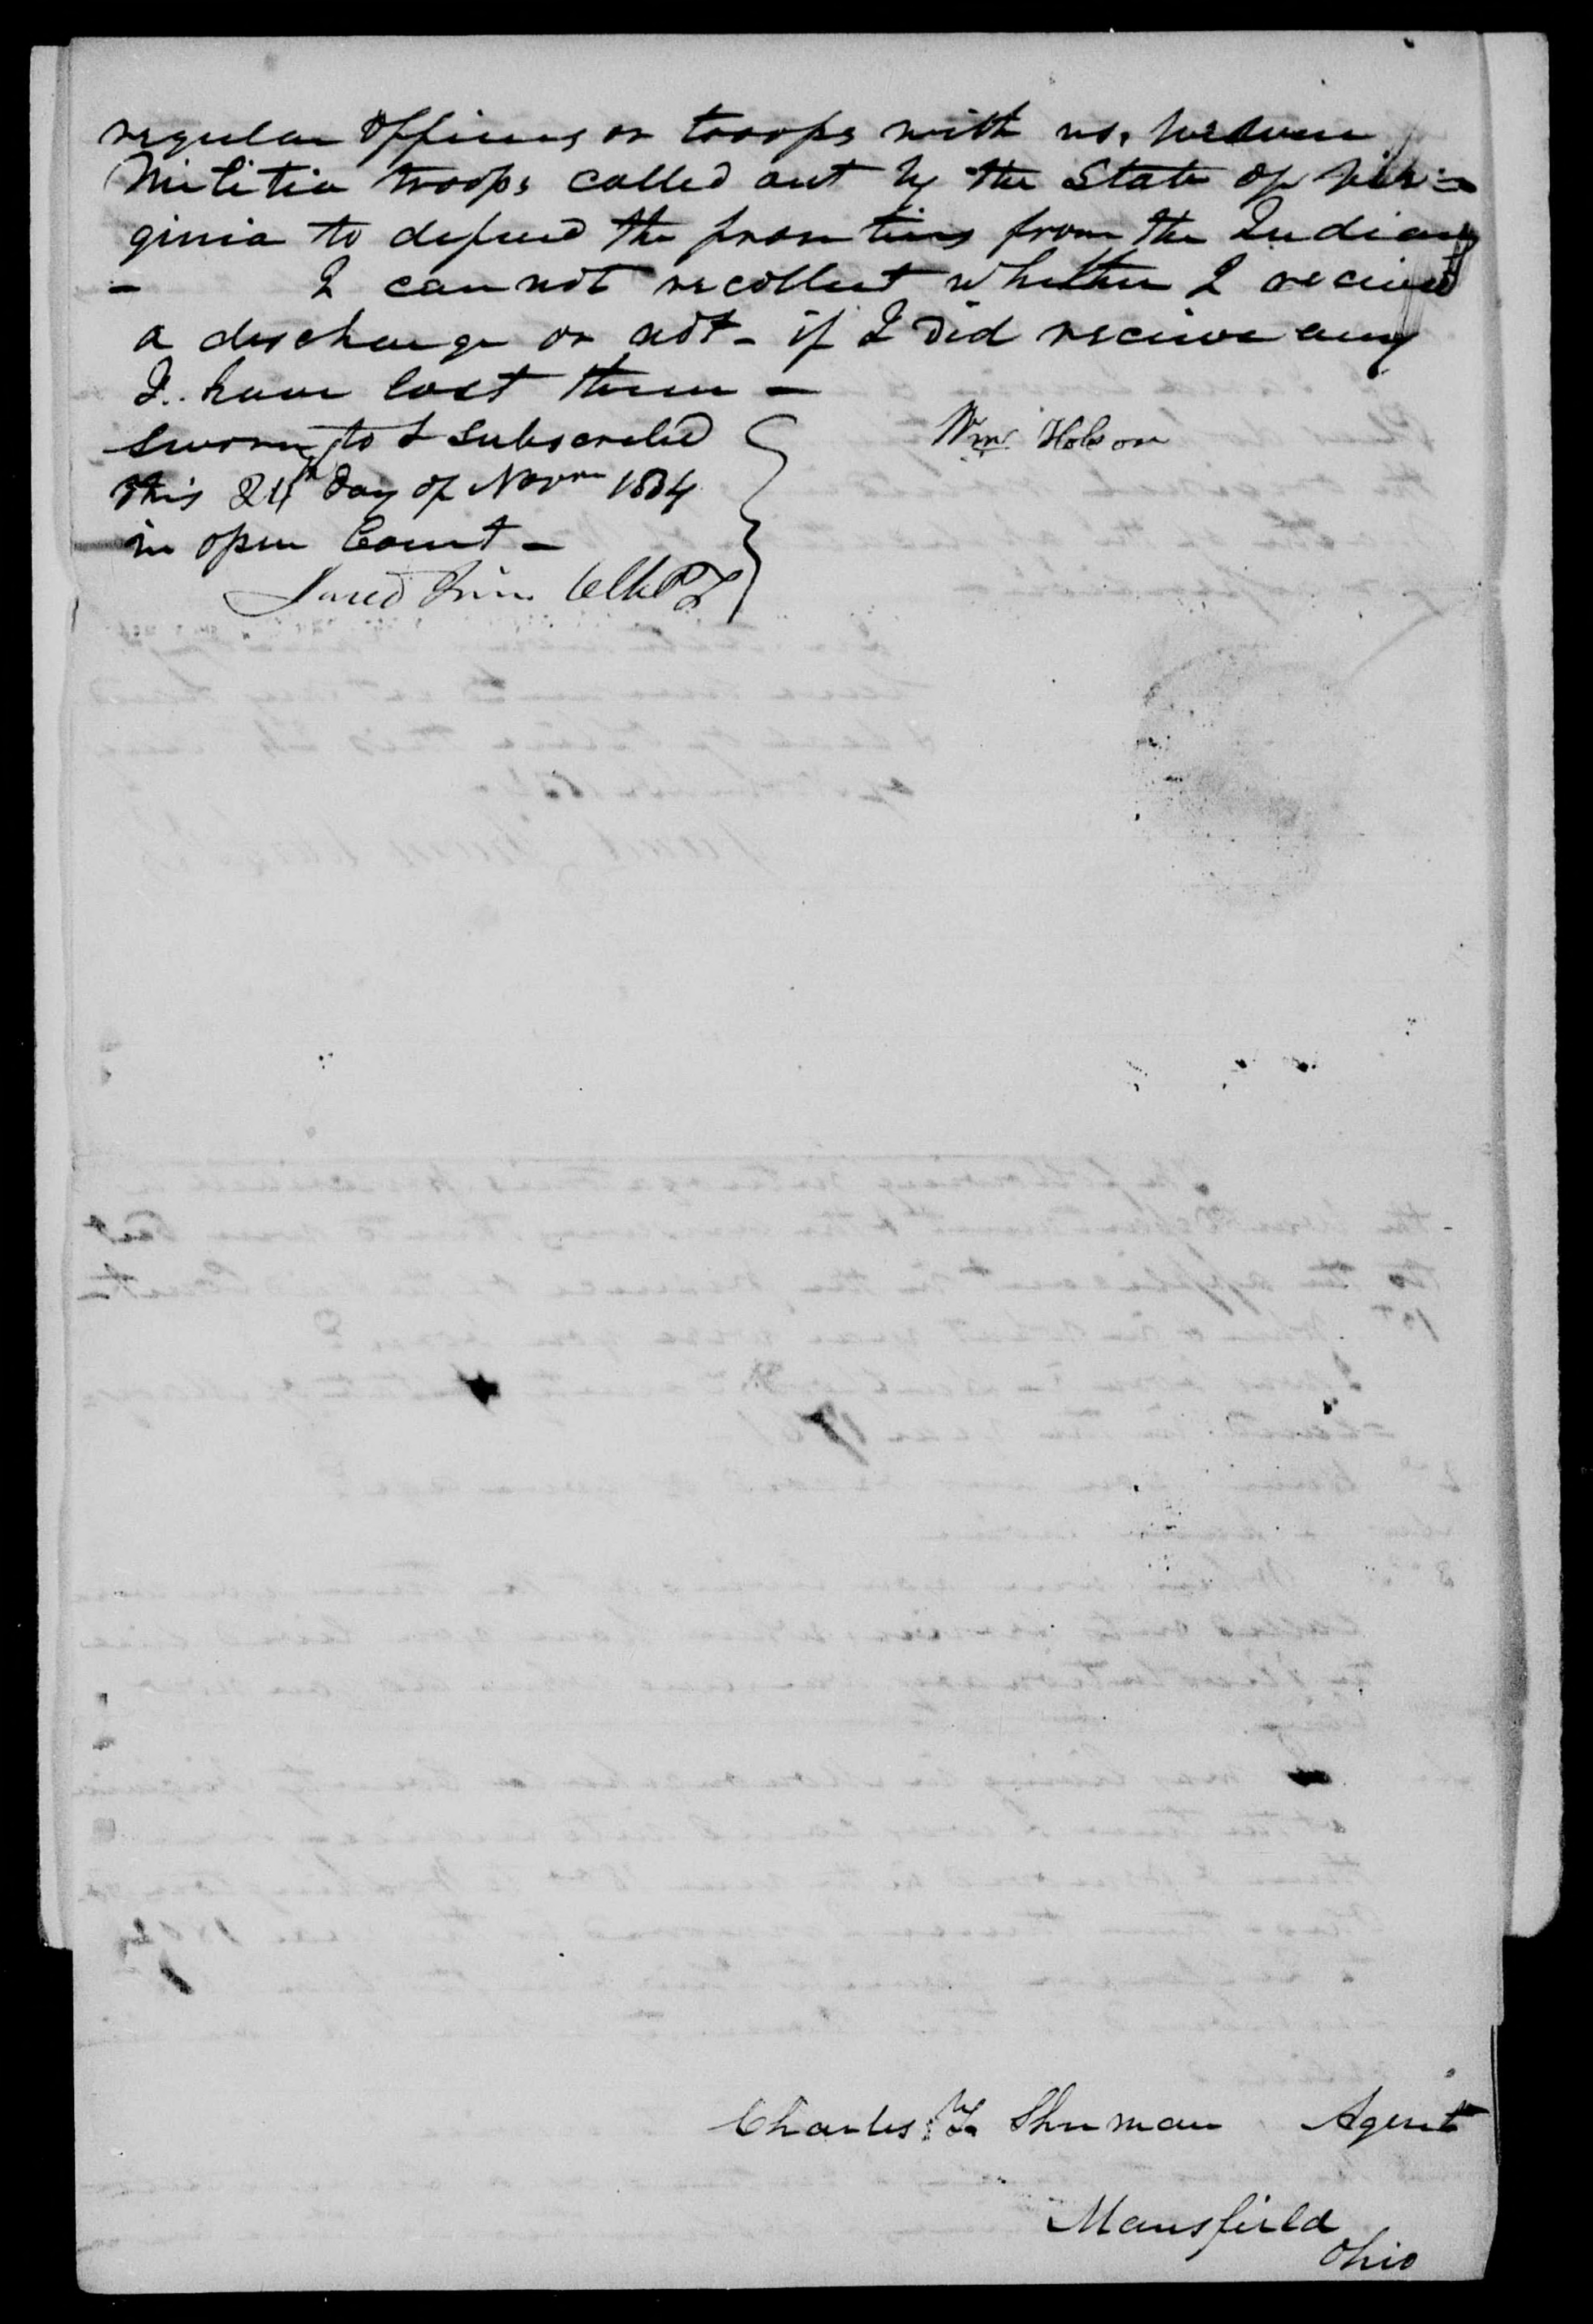regular officers or troops with us, soldiers Militia troops called out by the State of Virginia to defend the frontiers from the Indians
I cannot recollect whether I received a discharge or not - if I did receive any I have lost them -
Wm. Holson
Sworn to & subscribed}
this 24th day of Nov'r 1834}
in open Court - }
Jared Irvin Clk P L.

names: Jared Irvin, Wm Holson, Charles T Sherman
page: 6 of 33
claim: survivor's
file: S. 9587, William Holson, Va.